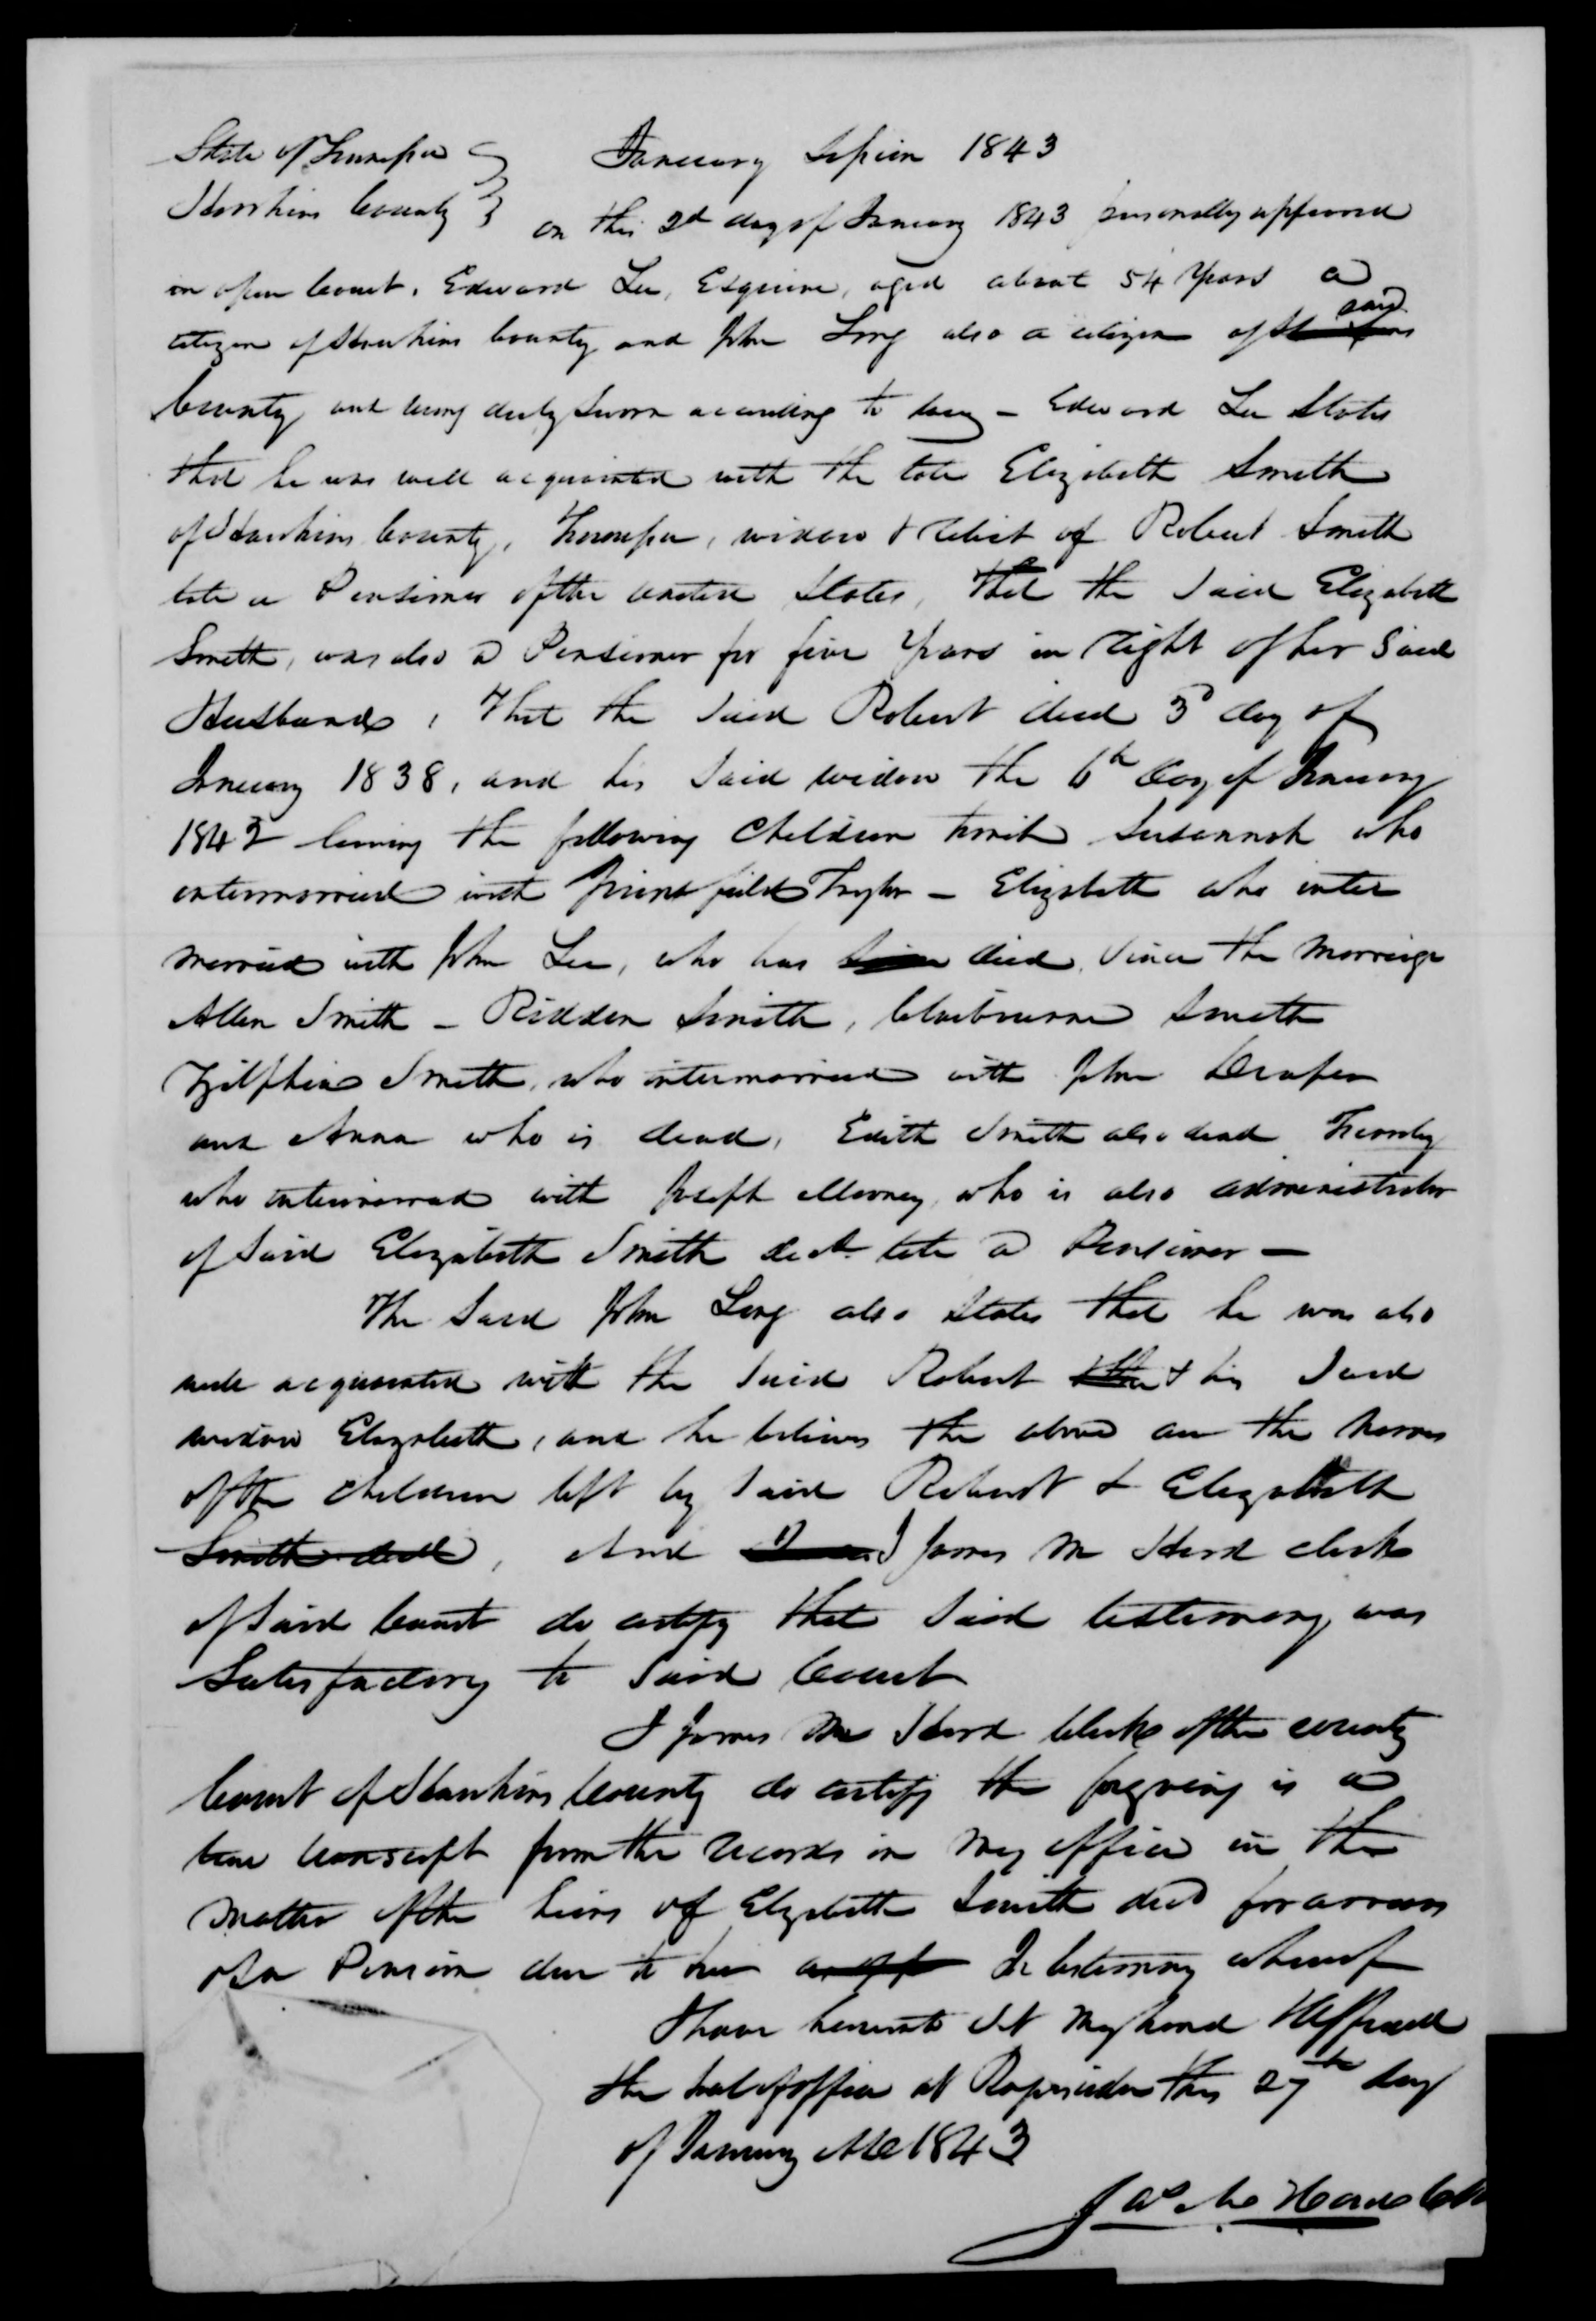State of Tennessee
Hawkins County
January Session 1843
On this 2d day January 1843 personally appeared in open Court, Edward Lee, Esquire, aged about 54 years a citizen of Hawkins County and John Long also a citizen of said County and being duly Sworn according to law - Edward Lee States that he was well acquainted with the late Elizabeth Smith of Hawkins County, Tennessee, widow & Relict of Robert Smith late a Pensioner of the United States, that the said Elizabeth Smith, was also a Pensioner for five years in right of her said Husband. That the said Robert died 3d day of January 1838, and his Said widow the 6th day of January 1842 leaving the following children to wit Susannah who intermarried with Prinsfield Taylor - Elizabeth who inter married with John Lee, who has died, since the marriage Allen Smith - Ridden Smith, Claibourne Smith Zilphia Smith, who intermarried with John Draper and Anna who is dead, Edith Smith also dead  Trinity who intermarried with Joseph Mooney, who is also administrator of Said Elizabeth Smith decd. late a Pensioner. -
The Said John Long also states that he was also much acquainted with the Said Robert & his Said widow Elizabeth, and he believes the above are the names of the children left by Said Robert & Elizabeth Smith. And I James M  Hord clerk of Said Court do certify that Said testimony was Satisfactory to Said Court
I James M Hord Clerk of the county Court of Hawkins County do certify the foregoing is a true transcript from the records in my office in the matter of the heirs of Elizabeth Smith decd for arrears of a Pension due to her
In testimony whereof I have hereunto set my hand & affixed the
Seal of office at Rogersville this 27th day of January AD 1843
Jas M. Hord Clk
[seal]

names: Robert [BLANK]; Robert [BLANK]; John Long; Edith Smith; John Lee; Edward Lee; Anna [BLANK]; Allen Smith; Joseph Mooney; James Hord; John Long; Elizibeth Smith; Elizabeth [BLANK]; Elizabeth Smith; Elizabeth [BLANK]; Robert Smith; Elizabeth [BLANK]; John Draper; Elizabeth Smith; Ridden Smith; Claibourne Smith; Elzabeth Smith; Edward Lee; James M Hord; Jas M Hord; Zilphia Smith; Robert [BLANK]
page: 69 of 79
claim: widow's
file: W. 1504, for Robert Smith, North Carolina